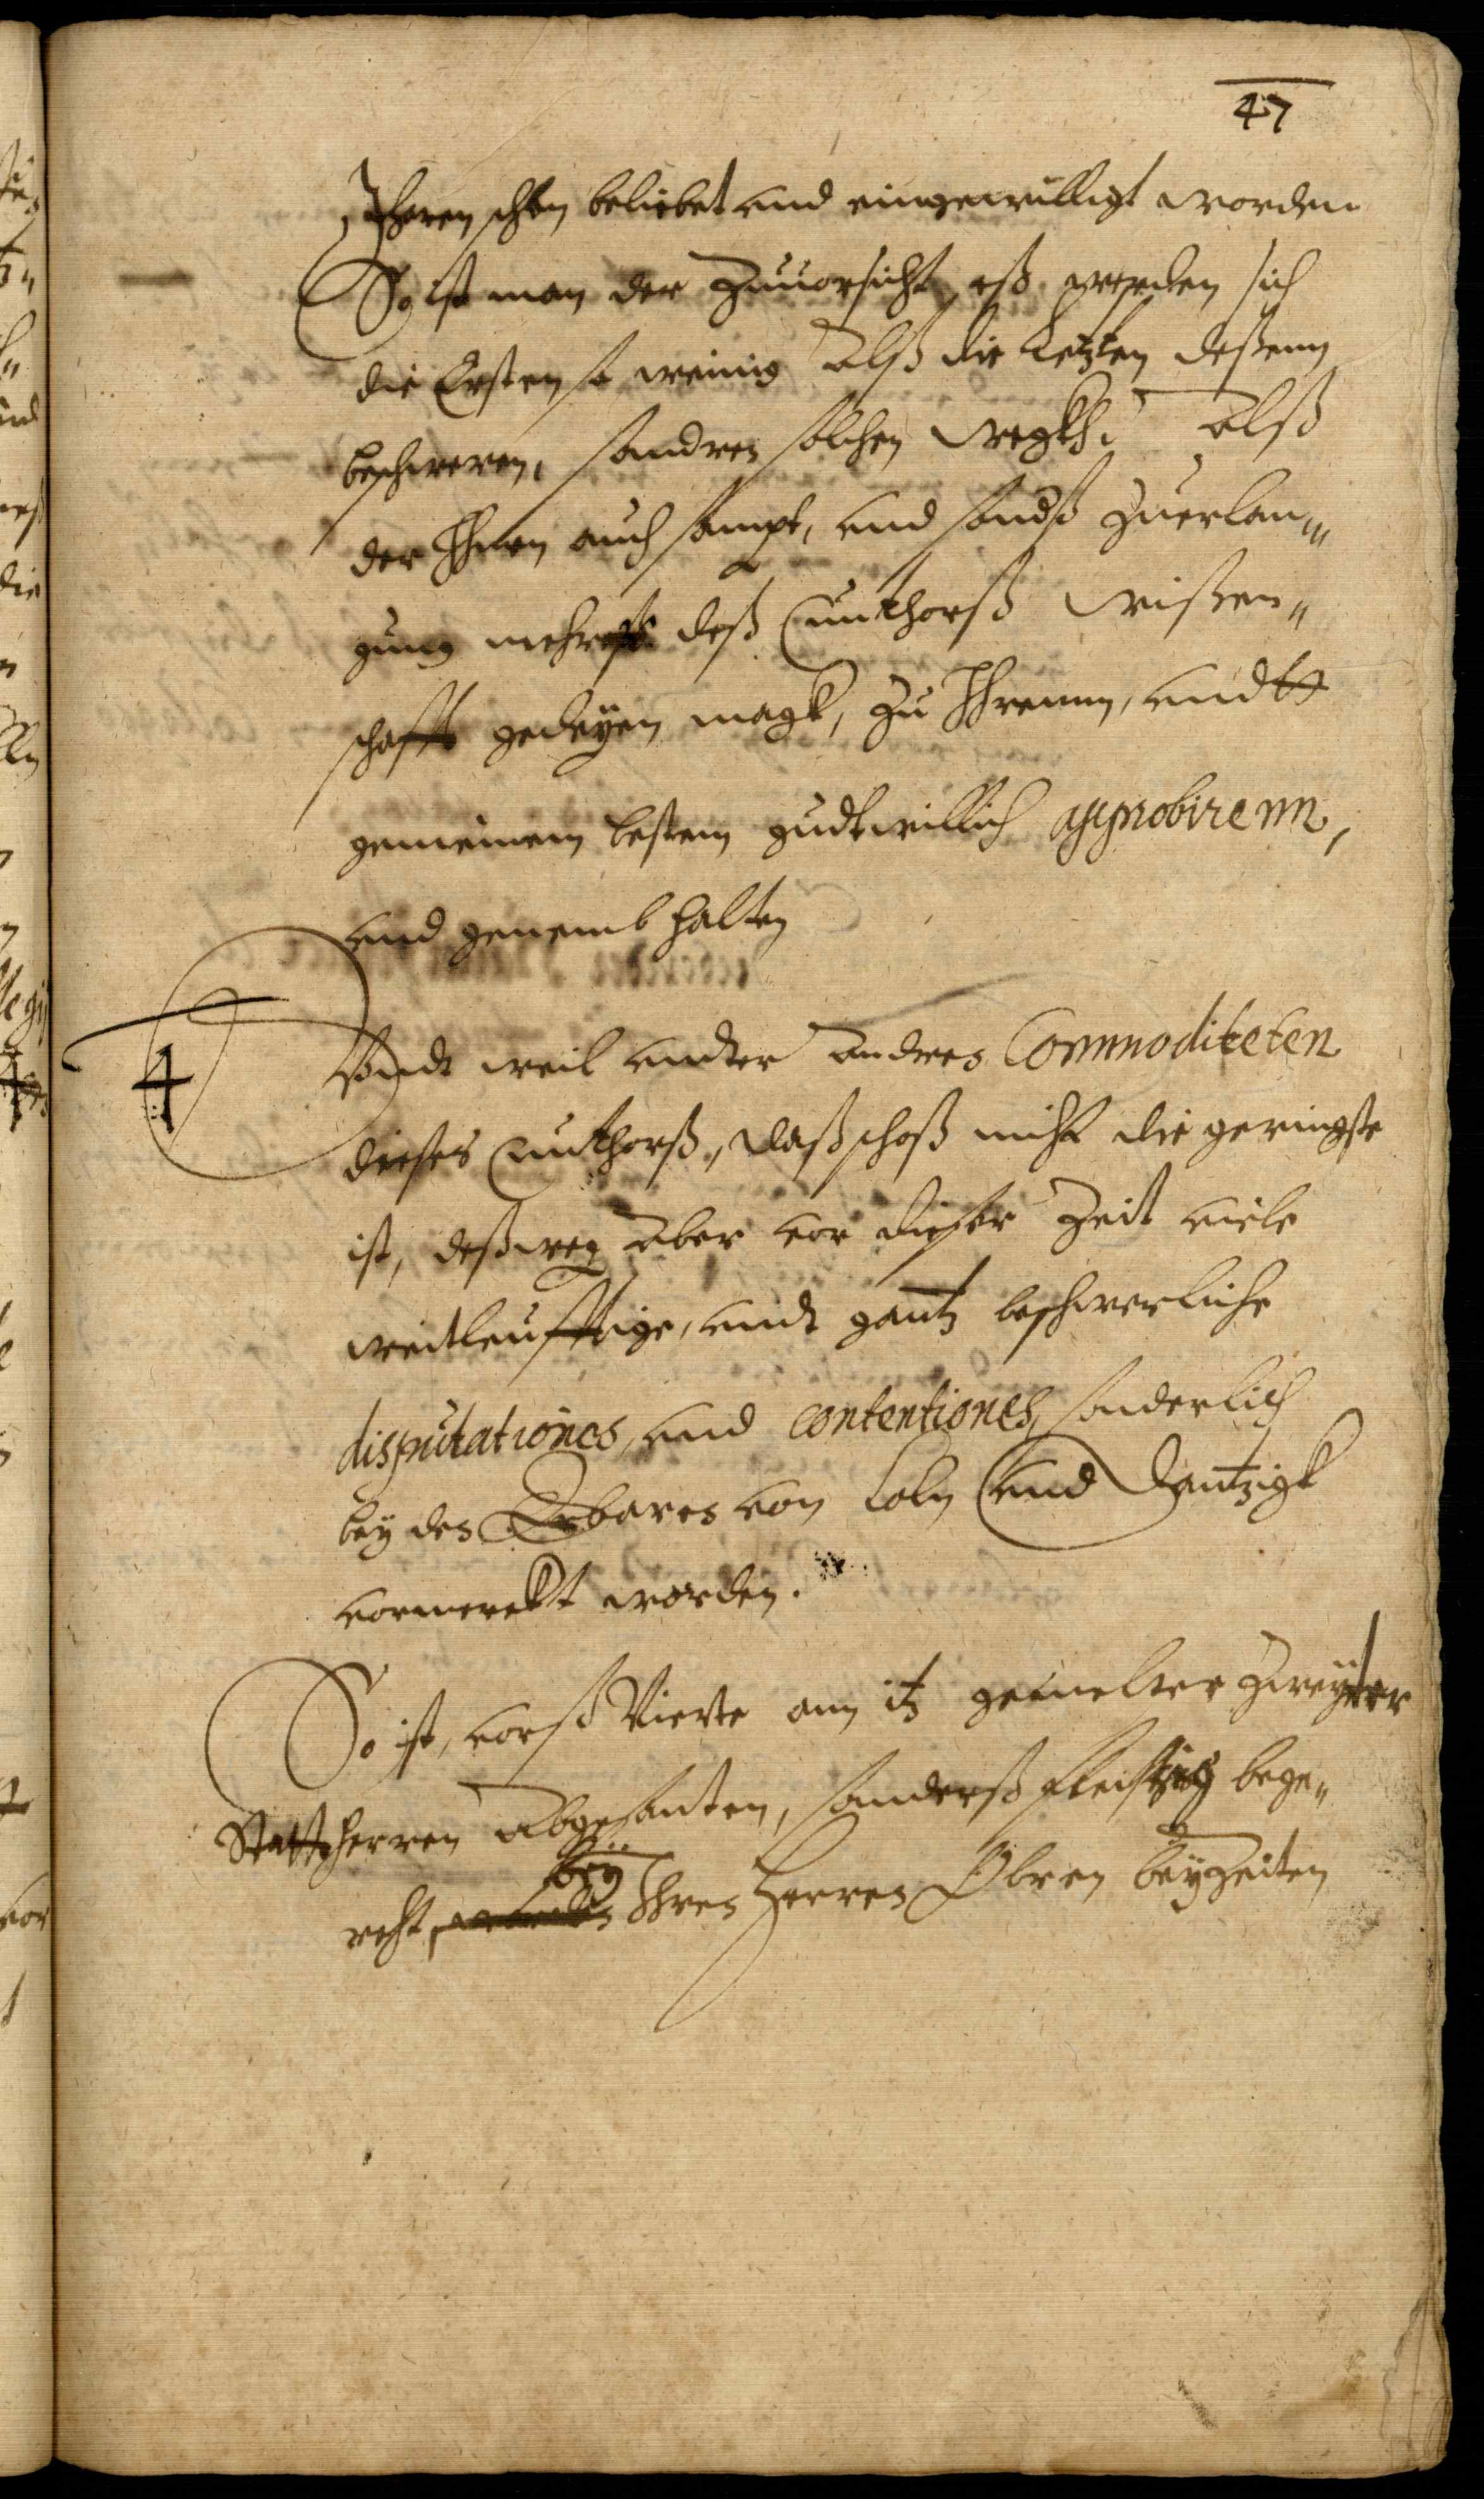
47
Jharen schon beliebet vnd eingewilligt worden
So ist man der zuuorsicht eß werden sich
die Ersten so weinig Alß die Letzten deßenn
beschweren, sondern solchen wegkh Alß
der Ihren auch sampt, vnd sonderß zuuerlan¬
gung mehreß deß Cunthorß wißen¬
schafft gedeijen magk, zu Ihremm, vndtt
gemeinem besten gudtwillich approbirenn,
und genemb halten
4
Vndt weil vndter andren Commoditeten
diesßes Cunthorß, daß schoß nicht die geringste
ist, deßwegen aber vor dieser zeit viele
weitleufftige, vnd ganntz beschwerliche
disputationes, vnd contentiones, sonderlich
beij den Erbaren von Coln vnd Dantzigk
vormerckt worden.
So ist, vorß vierte ann itz gemelter zweijter
Stette herren Abgesanten, sonderß fleißig bege¬
reht welches beij Ihren Herren Obern, beijzeiten
